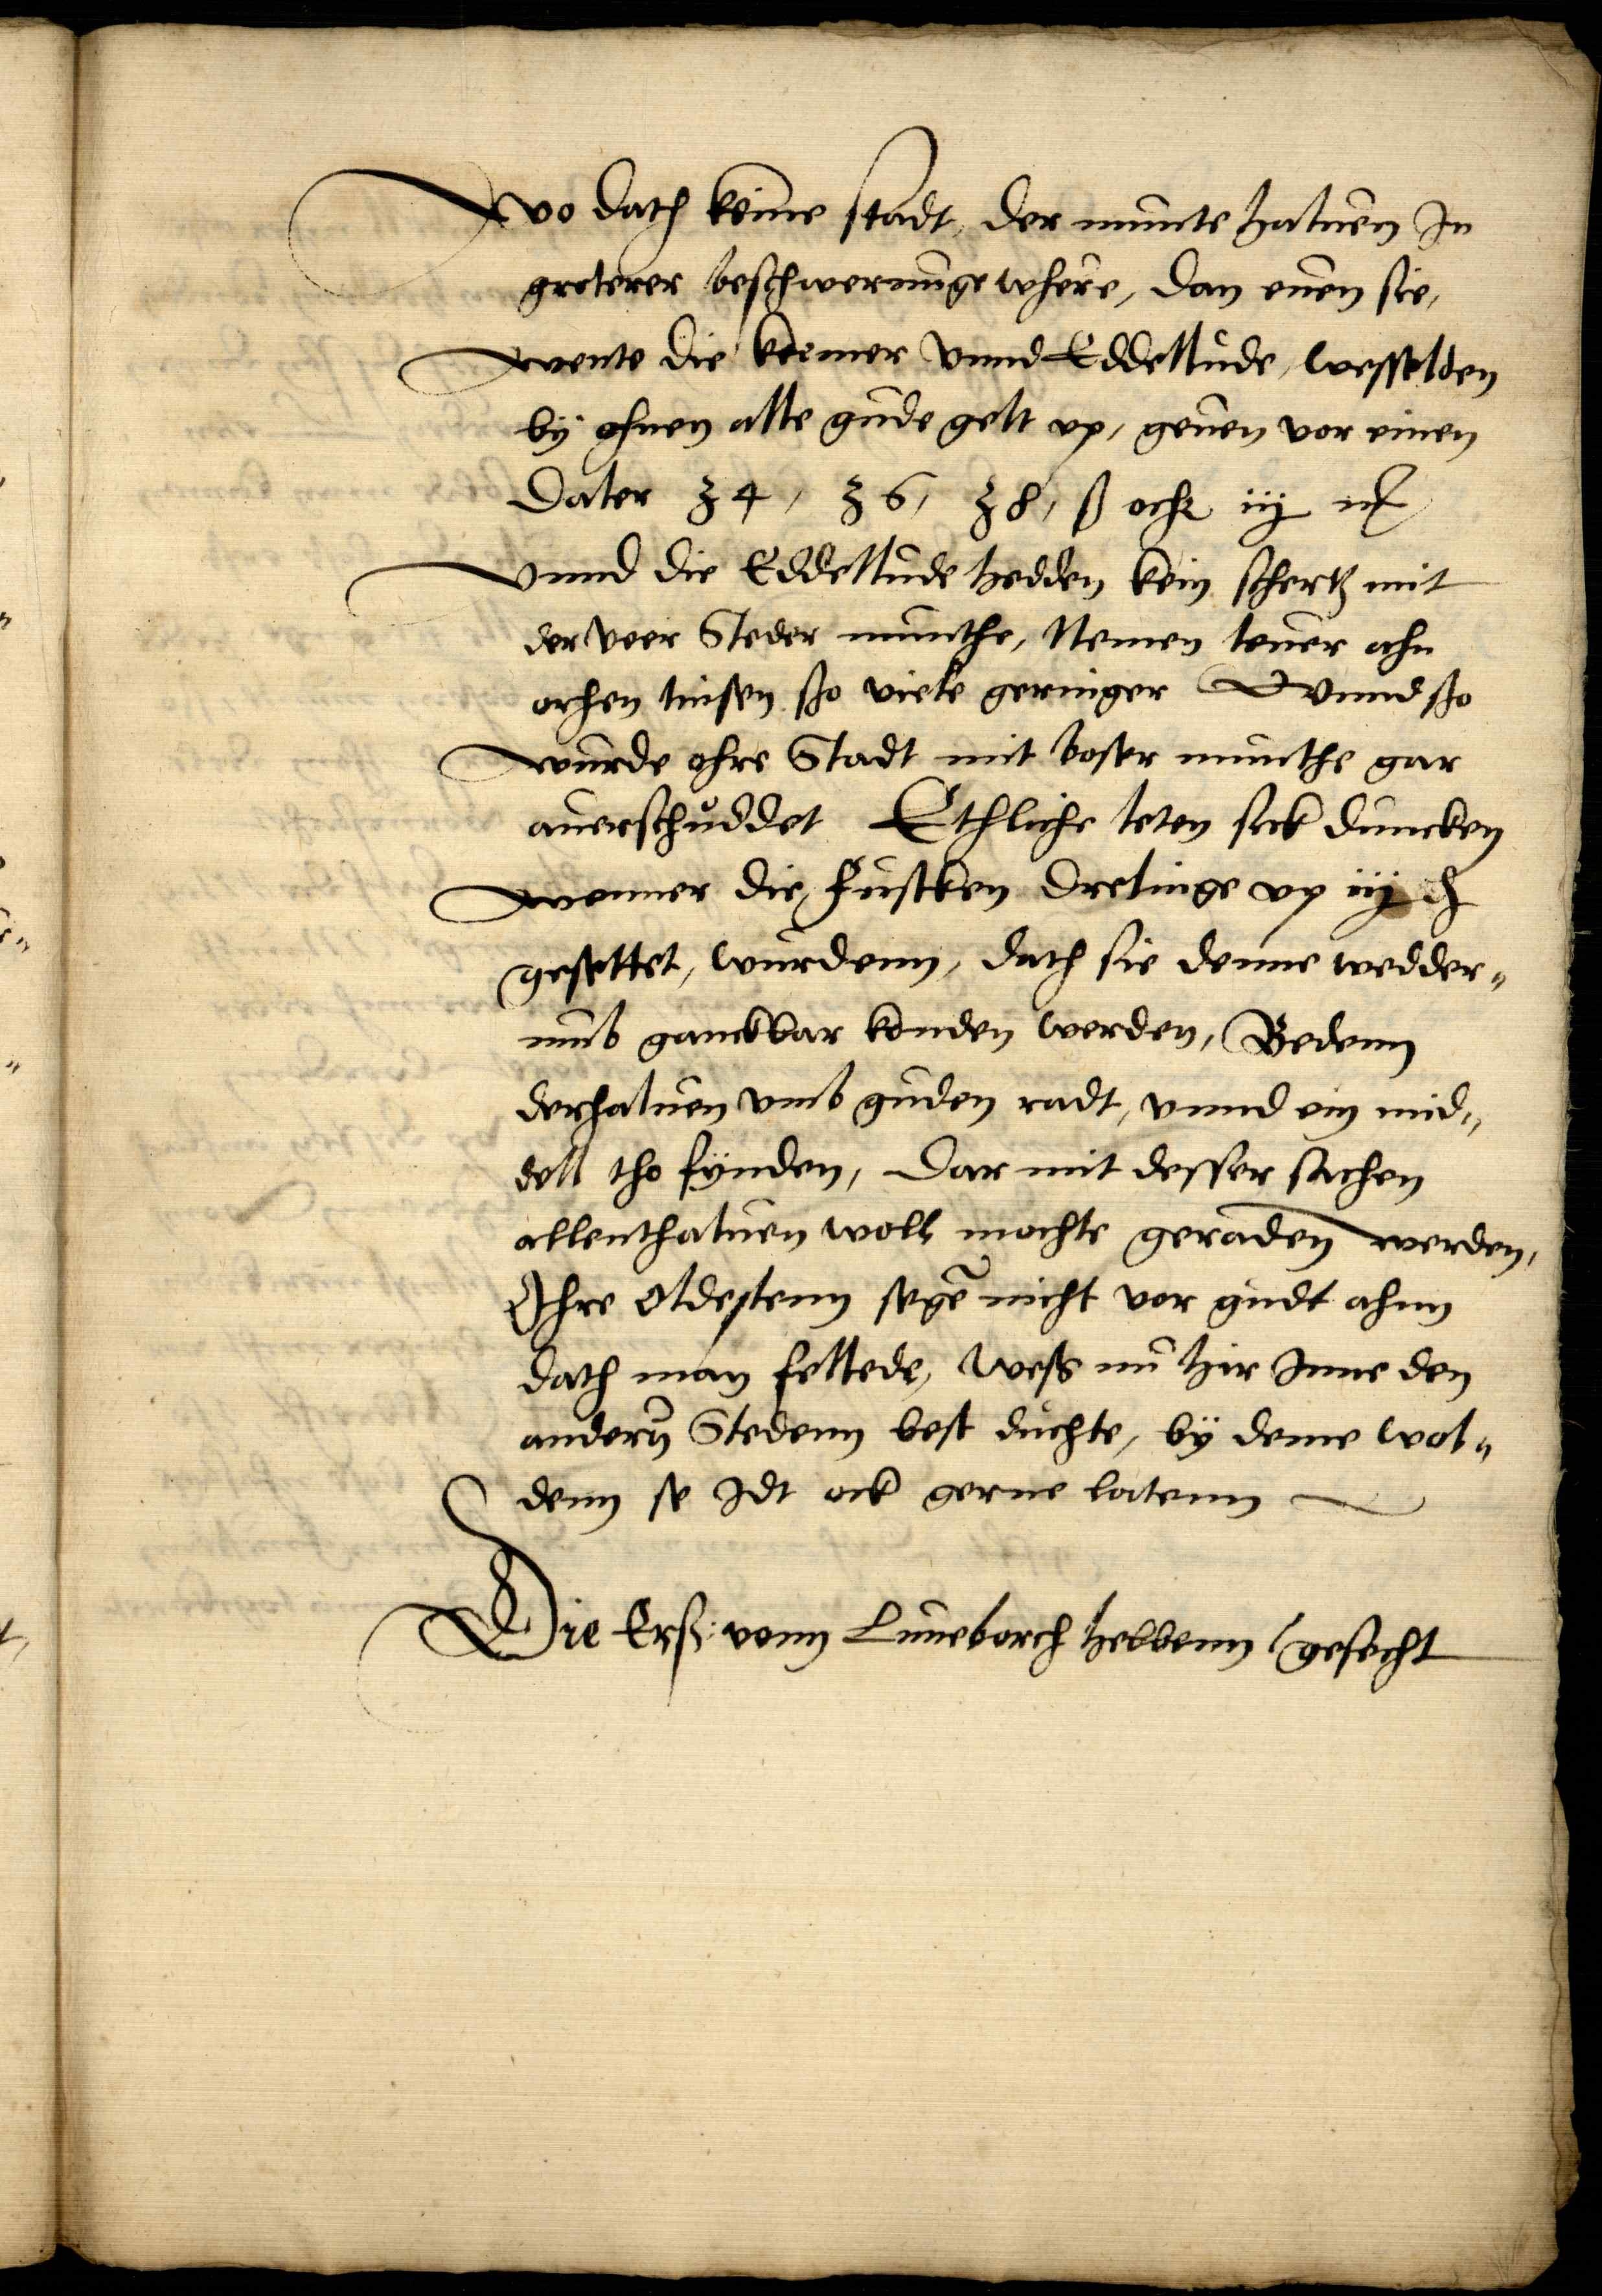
wo dath keine stadt, der munte haluen In
groterer beschwerunge where, dan euen sie,
wente die kremer vnnd Eddellude wesselden
by ohnen alle gude gelt vp, geuen vor einen
Daler 34, 36, 38 ß ock iij ₻
vnnd die Eddellude hedden kein schertz mit
der veer Steder munthe, Nemen teuer ahn
ohren tinsen ßo viele geringer Vnnd ßo
wurde ohre Stadt mit boser munthe gar
auerschuddet Ethliche leten sick duncken
wenner die Furstken drelinge vp iij d
gesettet, wurdenn, dath sie denne wedder¬
umb ganckbar konden werden, Bedenn
derhaluen vmb guden radt, vnnd ein mid¬
dell tho fijnden, dar mit desser sachen
allenthaluen woll mochte geraden werden,
Ohre Oldestenn stegen nicht vor gudt ahnn
dath man fellede, weß nu hir Inne den
andern Stedenn best duchte, bij deme wol¬
denn se Idt ock gerne latenn
Die Erß: vonn Luneborch hebben gesecht
